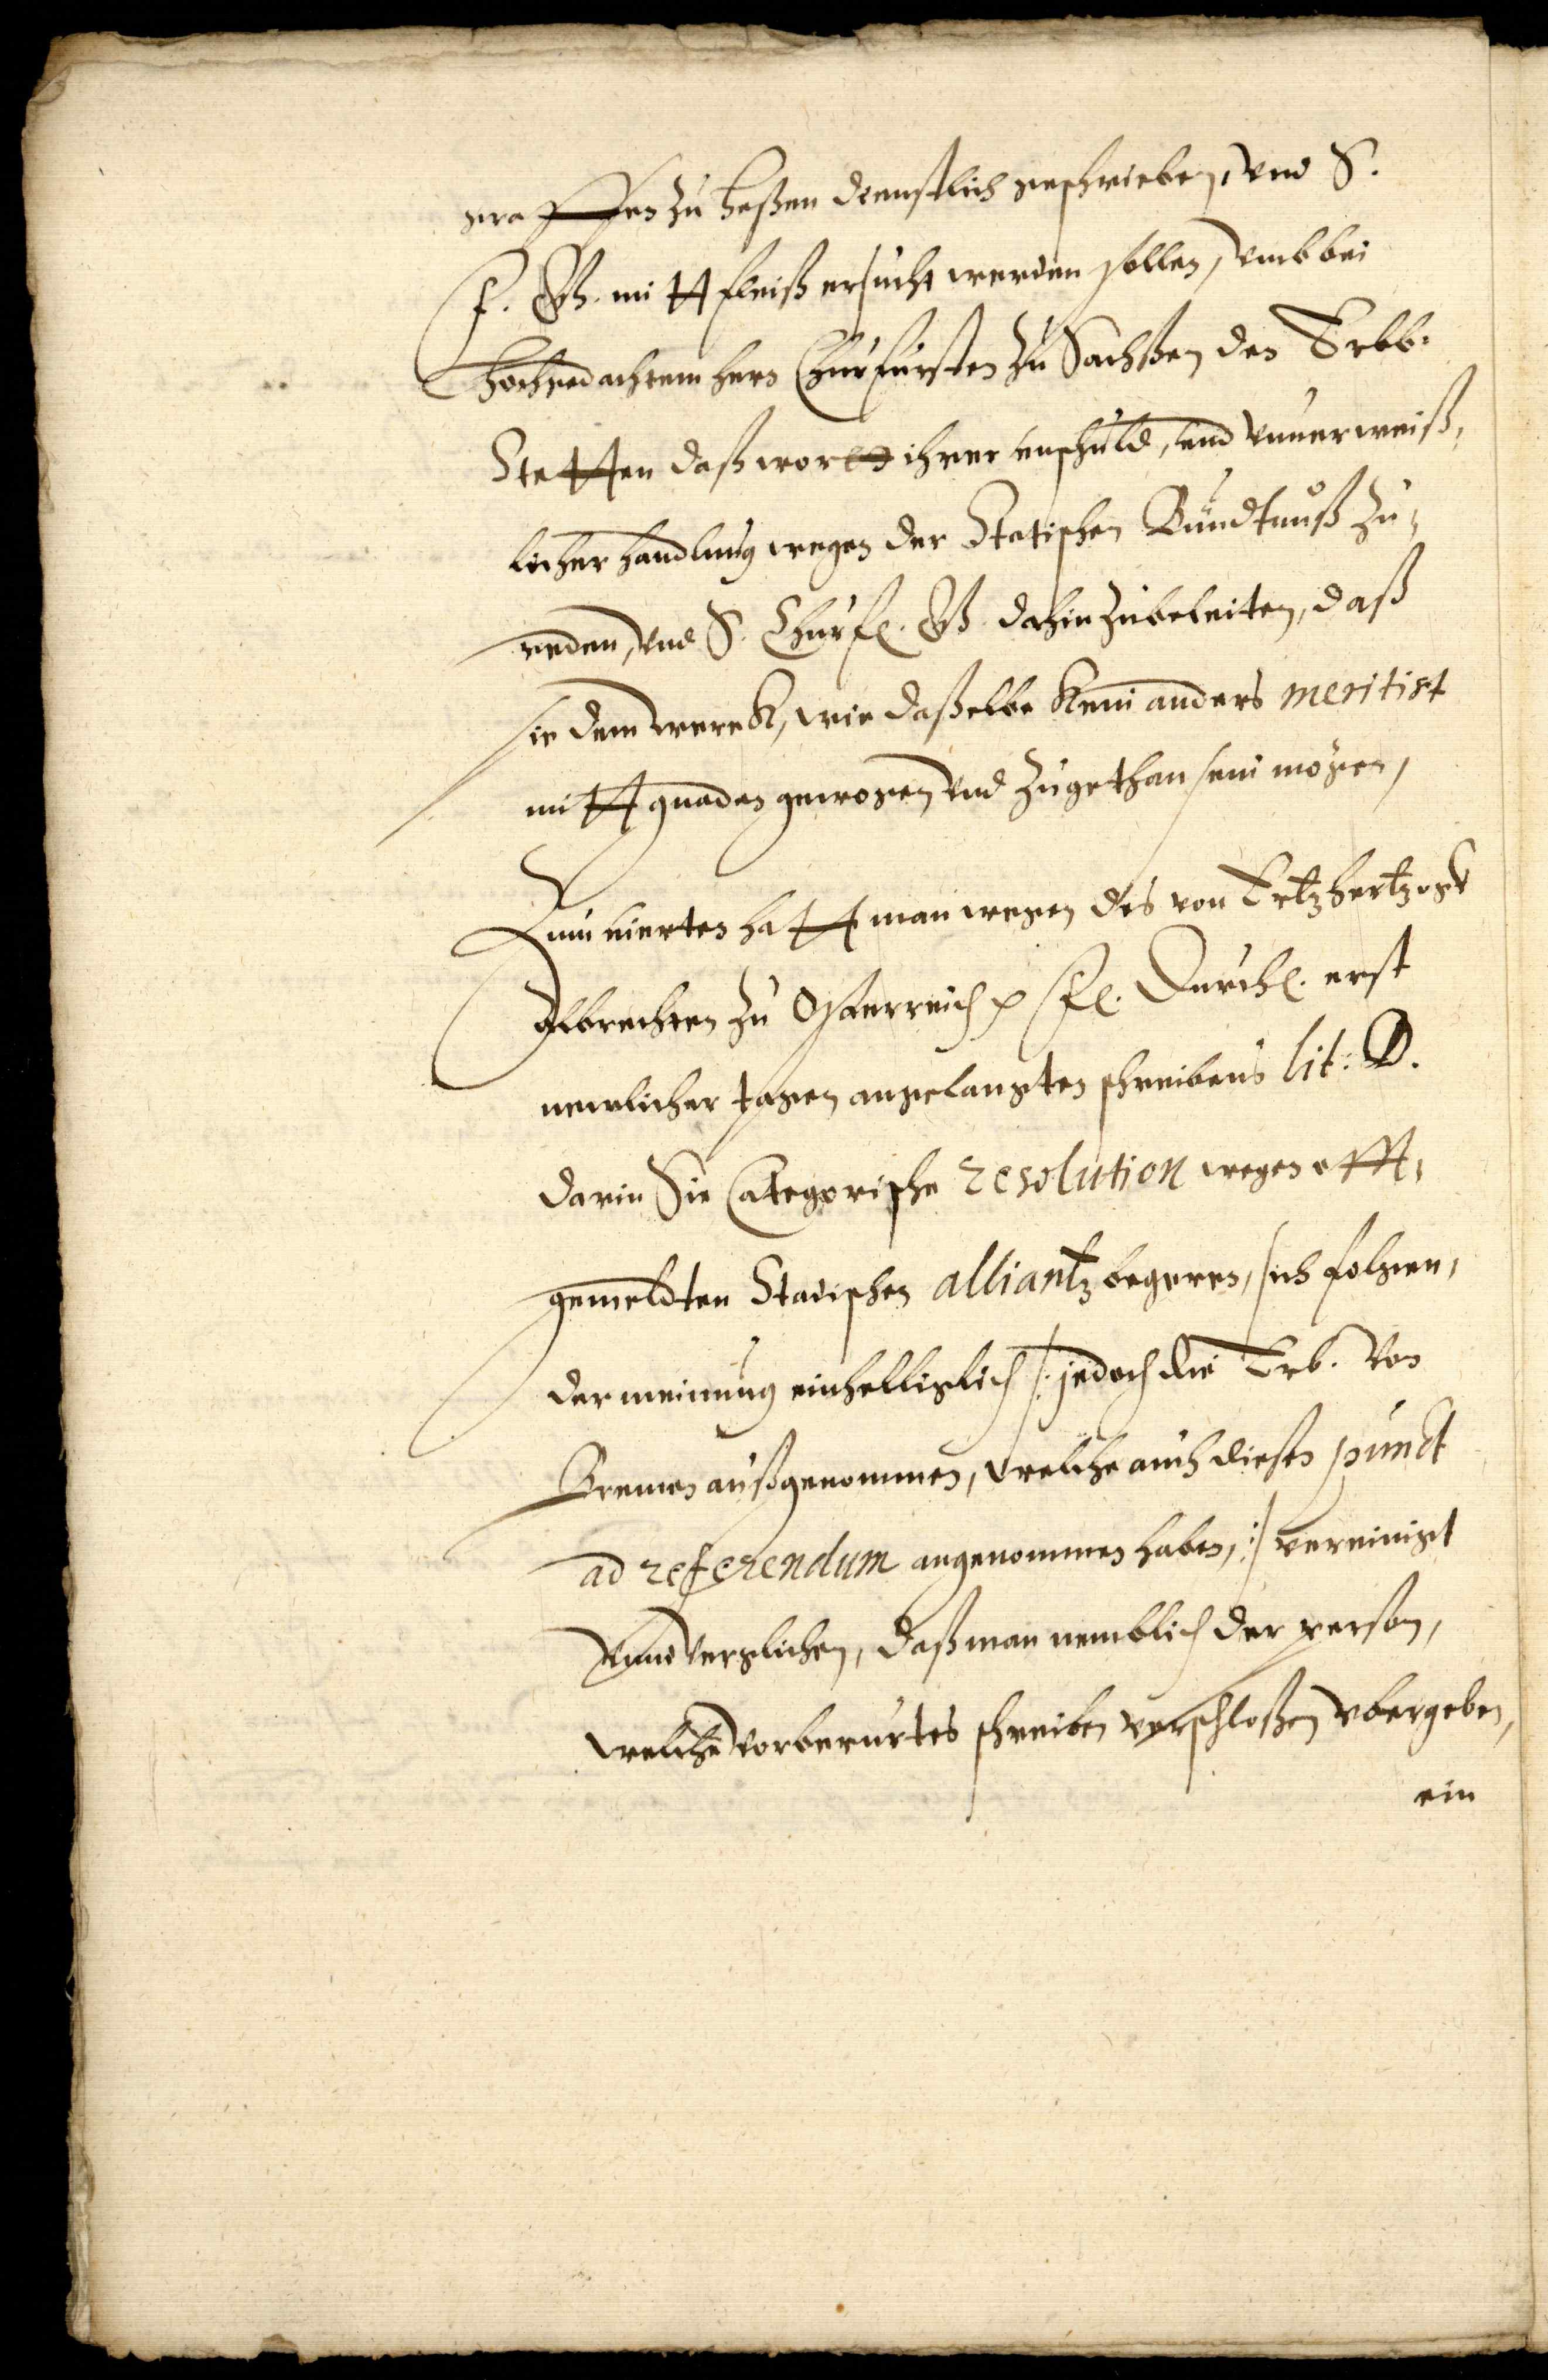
graffen zu heßen dienstlich geschrieben, vnd S.
F. G. mitt fleiß ersucht werden sollen, vmb bei
hochgedachtem hern Churfursten zu Sachßen den Erbb:
Stetten daß wortt ihrer vnschuld, vnd vnuerweiß¬
licher handlung wegen der Statischen Bündtnuß zu¬
reden, vnd. S. Churfl. G. dahin zubeleiten, daß
sie dem werck, wie daßelbe kein anders meritirt
mitt gnaden gewogen vnd zugethan sein mögen,
Zum vierten hatt man wegen des von Ertzhertzogk
Albrechten zu Osterreich p Fl. Durchl. erst
newlicher tagen angelangten schreibens lit. D.
darin Sie Categorische resolution wegen offt¬
gemeldten Stadischen alliantz begeren, sich folgen¬
der meinung einhelliglich /: jedoch die Erb. von
Bremen außgenommen, welche auch dießen punct
ad referendum angenommen haben, :/ vereinigt
vnnd verglichen, daß man nemblich der person,
welche vorberurtes schreiben verschloßen vbergeben,
ein
